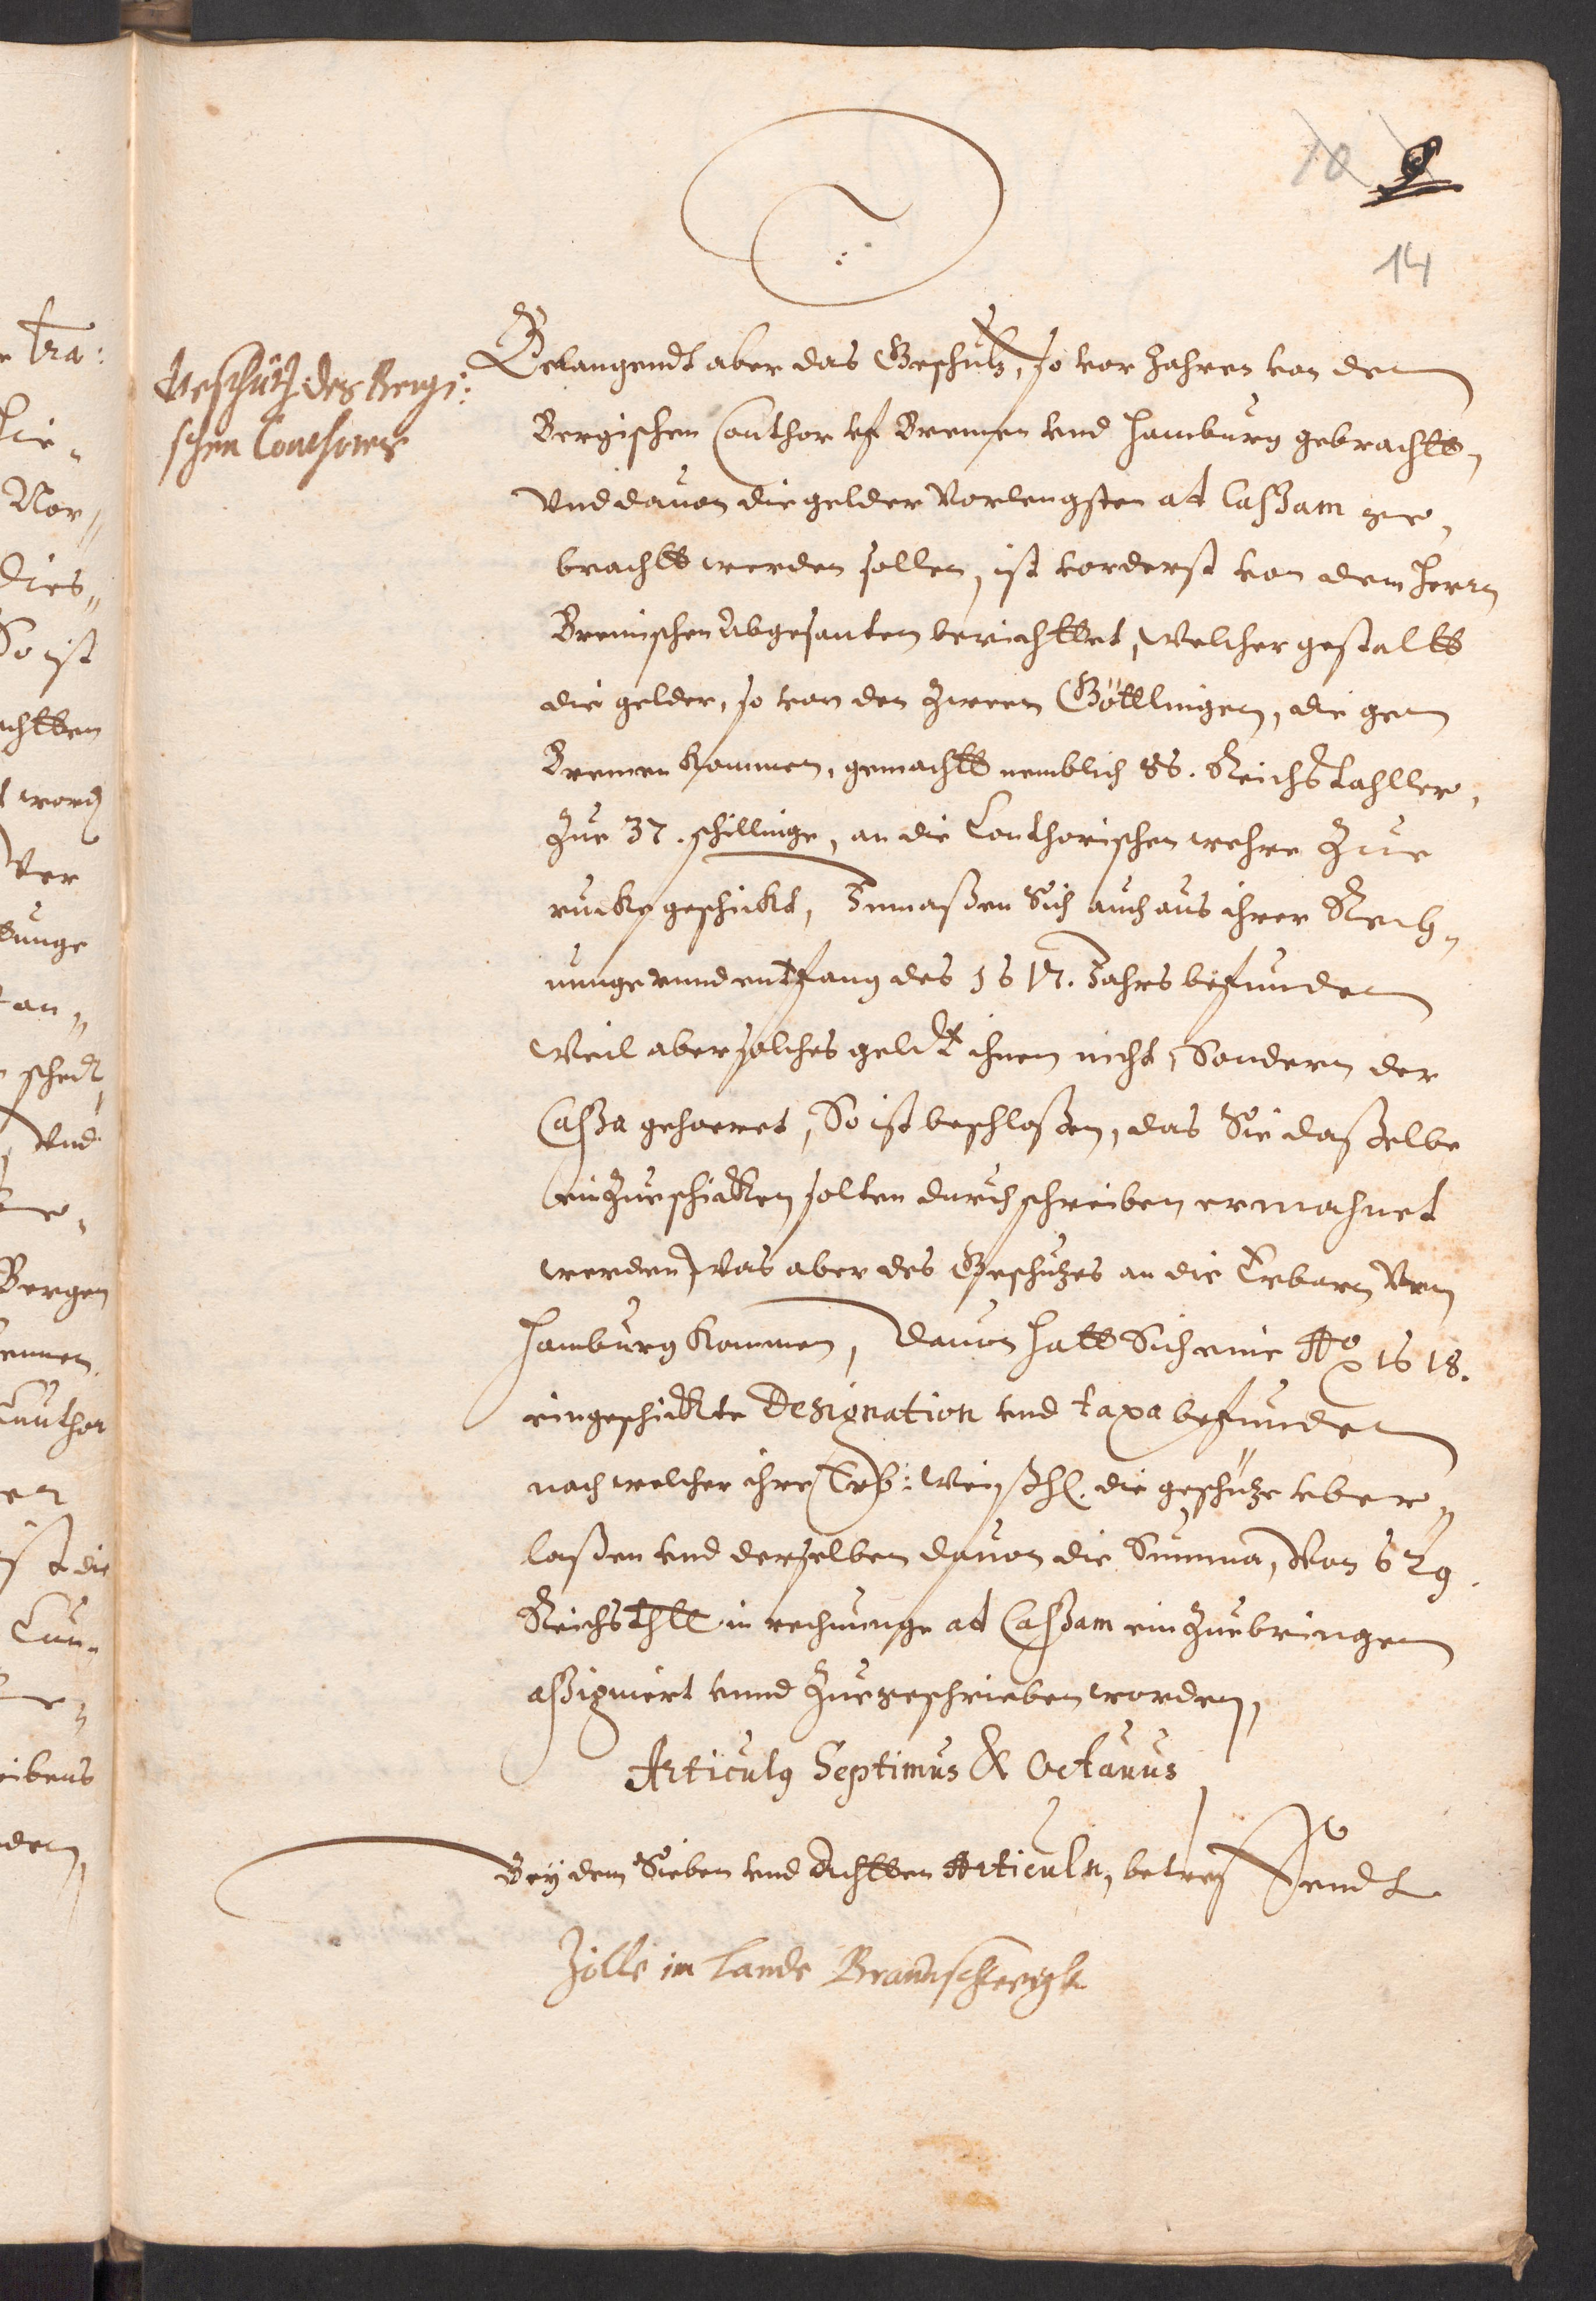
9
Belangendt aber das Geschutz, so vor Jahren von den
Bergischen Conthor vf Bremen vnd hamburg gebrachtt,
vnd dauon die gelder vorlengsten ad Cassam ge¬
brachtt werden sollen, ist vorderst von dem herrn
Bremischen Abgesanten berichttet, welcher gestaltt
die gelder, so von den zween Göttlingen, die gen
Bremen kommen, gemachtt nemblich 86. Reichstahller,
zue 37. schillinge, an die Conthorischen wehre zue
rucke geschickt, Inmaßen Sich auch aus ihrer Rech¬
nunge vnnd entfang des 1617. Iahrs befunden
weil aber solches geldt ihnen nicht, Sondern der
Cassa gehoeret, So ist beschloßen, das Sie daßelbe
einzueschicken solten durch schreiben ermahnet
werden, Was aber des Geschutzes an die Erbarn von
hamburg kommen, Dauon hatt Sich eine Anno p 1618.
eingeschickte Designation vnd taxa befunden
nach welcher ihre Erb: Weißh. die geschütze vber¬
laßen vnd derselben dauon die Summa, Von 629.
Reichsthll in rechnunge ad Cassam einzuebringen
assigniert vnnd zuegeschrieben worden,
Articulus Septimus & Octauus,
Beij dem Sieben vnd Achtten Articuln, betreffendt
Zolle im Lande Braunschweigk
Geschütz des Bergi¬
schen Conthores
